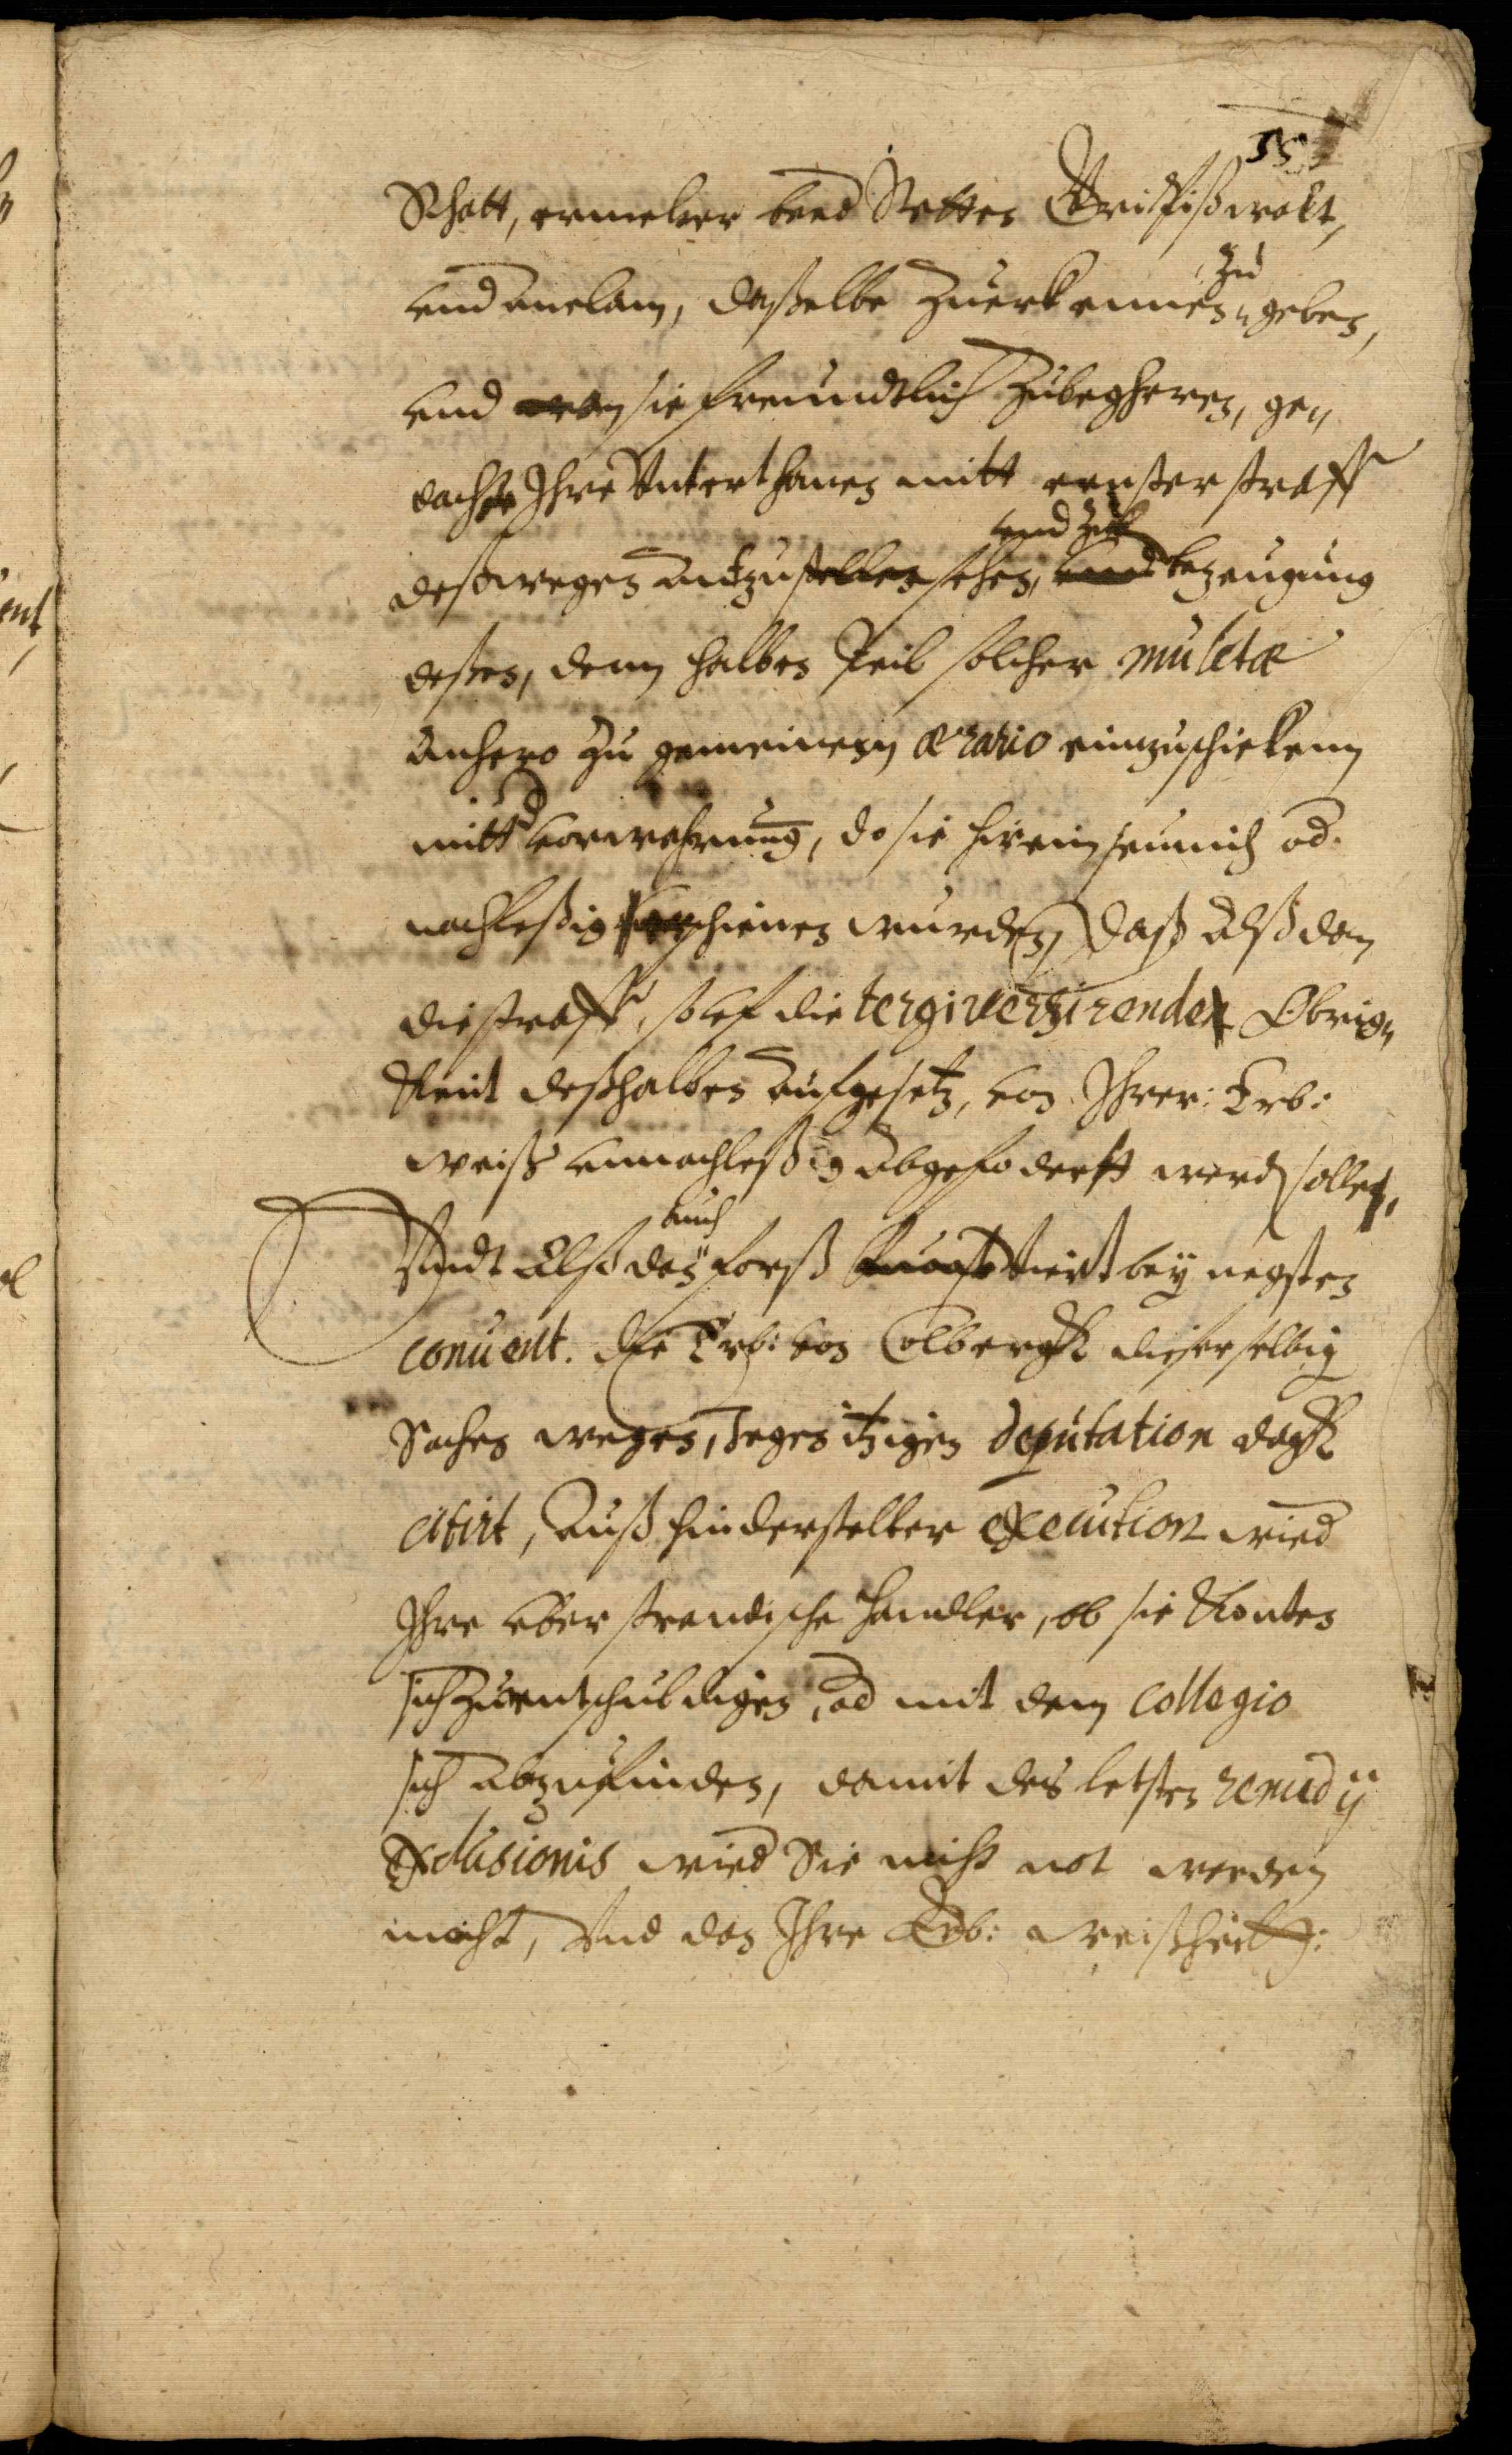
55
Rhatt, ermelter beeder Stetten Gripißwalt,
vnd Anclam, daßelbe zuerkennen zugeben
vnd werdn sie freundtlich zubegehren, ge¬
dachte Ihre Vnterthanen mitt ernster straff
deßwegen Antzustellen sehen, vnd zu vnd bezeugung
deßen, denn halben Teil solcher mulctae
Anhero zu gemeineren aerario einzuschickenn
mitt vorwahrung, do sie hir ein seumich oder
nachleßig verscheinen wurden, Daß Alß dann
die straff, so vf die tergiversirenden Obrig¬
keit deßhalben Aufgesetz, von Ihrer Erb:
weiß vnnachleßig Abgefodertt werden sollen,
Vndt alß dan auch forß funft Viert beij negsten
conuent. die Erb: von Colbergk dieser selbigen
Sachen wegen, Jegen itzigen deputation dagk
citirt, Auß hinderstelter execution wieder
Ihre vber strandische handler, ob sie konten
sich zuentschuldigen, oder mit dem collegio
sich abzufinden, damit des letsten remidij
exclusionis wieder sie nicht not werden
mocht, vnd das Ihre Erb. weißheitt:
